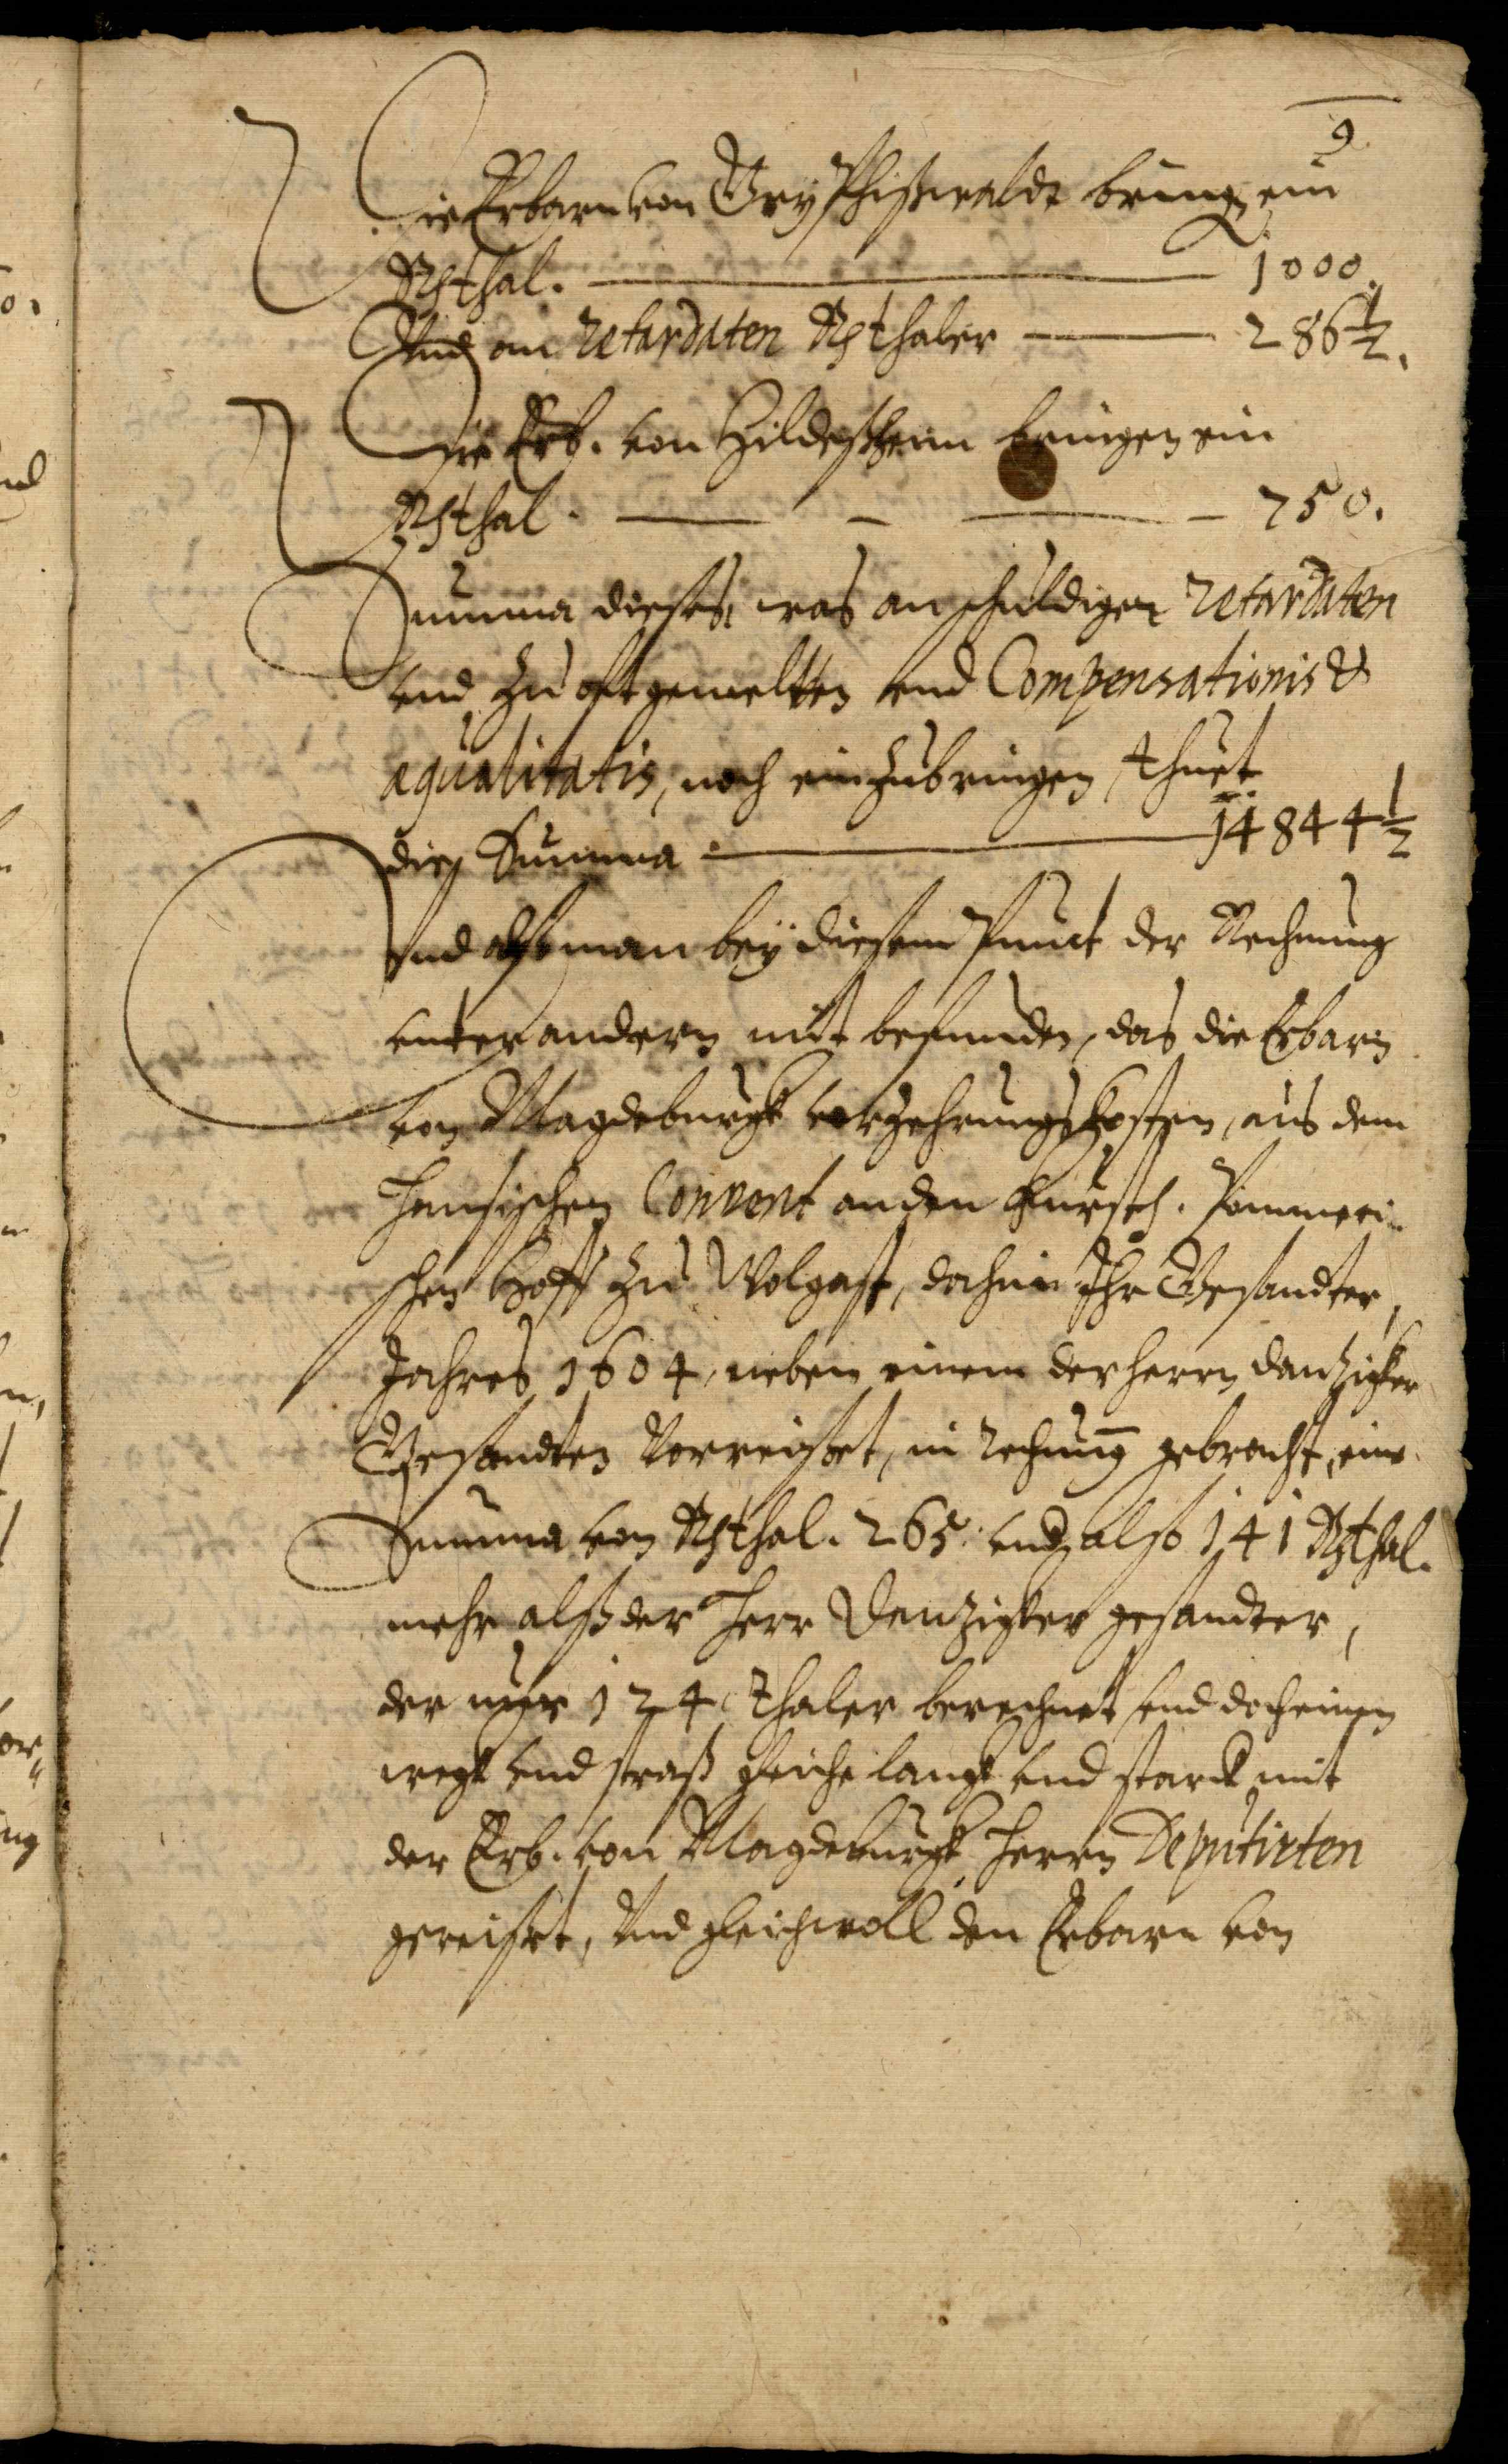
9.
Die Erbarn von Grijphißwaldt bringen ein
Rhthal. _ 1000.
Vnd an retardaten Rhthaler _ 286 ½
Die Erb. von Hildeßheim bringen ein
Rhthal _ 750.
Summa dieses, was an schuldigen retardaten
vnd zu oft gemelten vnd Compensationis &
aequalitatis, noch einzubringen thuet
die Summa _ 14844 ½
Vnd alß man beij diesem Punct der Rechnung
unter andern mit befunden, das die Erbarn
von Magdeburgk Verzehrungskosten, aus dem
Hansischen Convent an den Furstl. Pommeri¬
schen Hoff zu Wolgast, dahin Ihr Gesandter
Iahres 1604 neben einem der herrn dantzigker
Gesandten vorreiset, in Rechnung gebracht, eine
Summe von Rhthal. 265, vnd also 141 Rhthal.
mehr alß der Herr Danzigker gesandter,
der nur 124 thaler berechnet vnd doch einen
wegk vnd straß gleich langk vnd starck mit
der Erb. von Magdeburgk herrn deputirten
gereiset, vnd gleichwoll den Erbarn von
